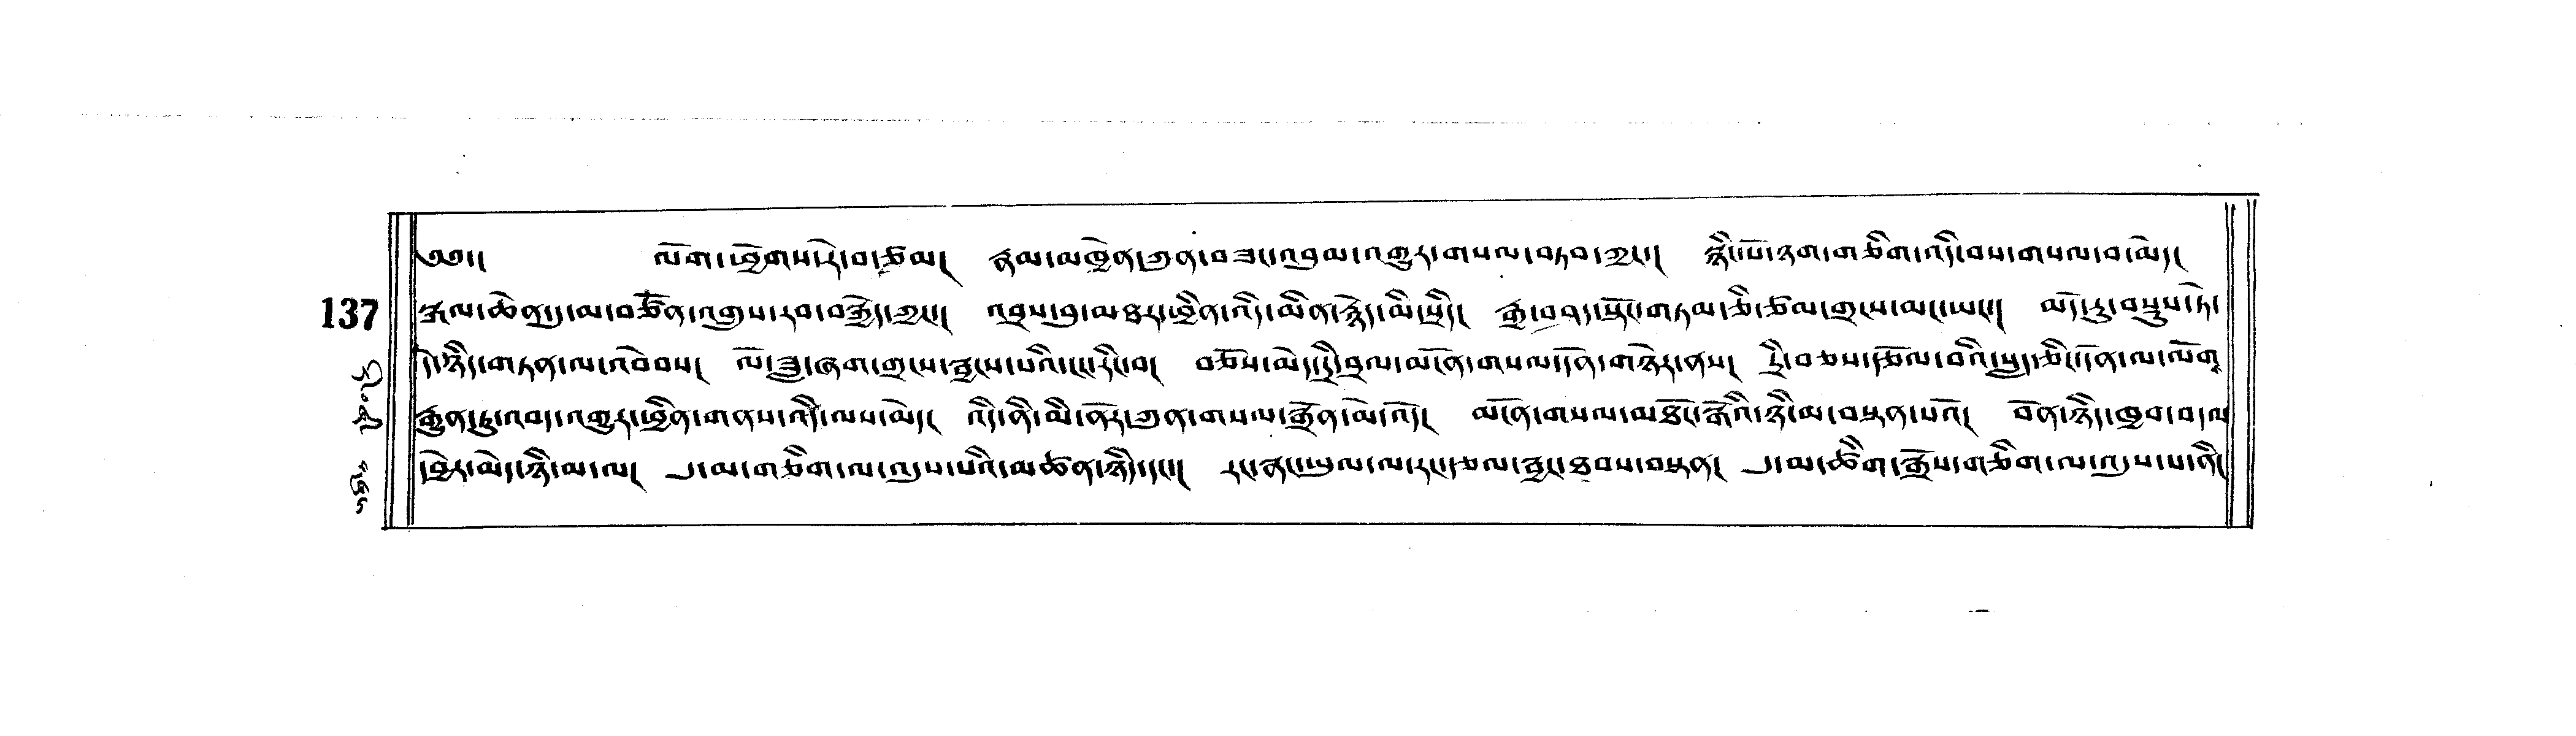ལོག་ཕྱོགས་རེ་བ་ཙམ། རྣམ་མཁྱེན་ཀུན་བཟང་འབུམ་འགྱུར་གསལ་བཏབ་ཀྱང་། སྙིང་པོ་ཉག་ཅིག་འདི་བས་གསལ་བ་མེད། 
བསྐལ་ཆེན་དུ་མ་བརྩོན་འགྲུས་རབ་བསྐྱོད་ཀྱང་། འབྲས་བུ་མཐར་ཕྱིན་འདི་མིན་རྙེད་མི་སྲིད། བརྒྱ་བཤད་སྟོང་གཏམ་ཅི་ཙམ་གྲངས་མང་ཡང་། མདོ་རུ་བསྡུས་ཏེ་
དེ་ཉིད་གཏན་ལ་འབེབས། ལོ་ཟླ་ཞག་གྲངས་སྦྱངས་པའི་ངང་རིང་བ། བཅོས་མེད་དྲི་བྲལ་མངོན་གསལ་དོན་གཉེར་ནས། དྲི་བཅས་རྩོལ་བའི་བསླད་ཅིང་དོན་ལས་ལོག 
རྒྱུན་དི་འབད་འགྱུར་ཕྱིན་གནས་འདི་ལས་མེད། འདི་ནི་མི་ནོར་ཀུན་གསལ་སྒྲོན་མེ་འོད། མངོན་གསལ་མཐོང་སྒོའི་ཉི་མ་བསྟན་པའོ། བོན་ཉིད་ཁྱབ་བདལ་
དབྱེར་མེད་ཉི་མ་ལ། དུ་མ་གཅིག་ལ་འདུས་པའི་མཚན་ཉིད་དང་། རང་སྣང་ཡུལ་ལ་རང་རྩལ་སྦྱང་ཐབས་བསྟན། དུ་མ་ཚིག་སྒྲོས་གཅིག་ལ་འདུས་པ་ནི།